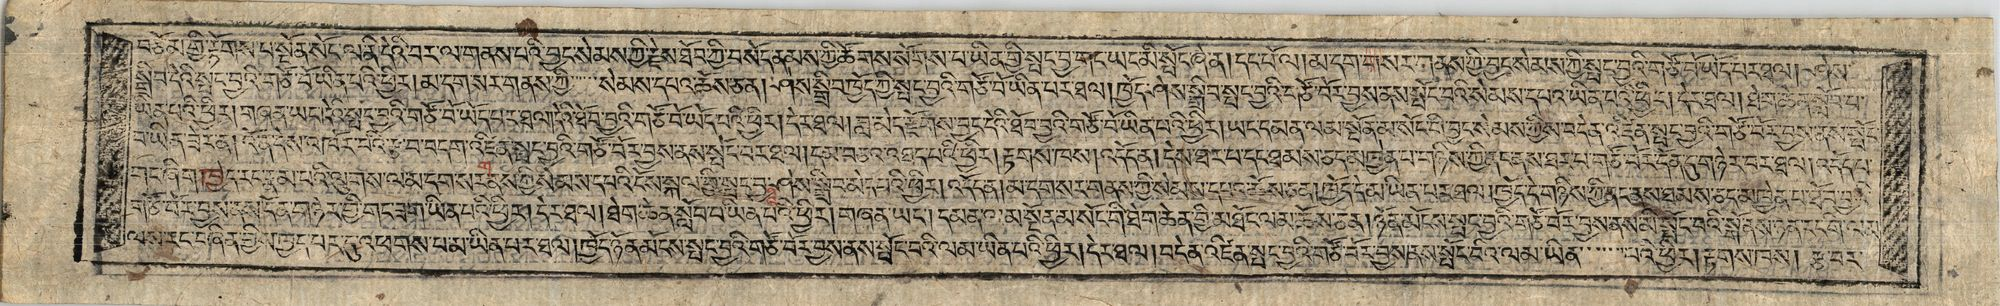བཅོམ་གྱི་རྟོགས་པ་སྔོན་སོང་ལ་ནི་དེའི་བར་ལ་གནས་པའི་བྱང་སེམས་ཀྱི་རྗེས་ཐོབ་ཀྱི་བསོད་ནམས་ཀྱི་ཚོགས་སོགས་པ་ཡིན་གྱི་སྤང་བྱ་གང་ཡང་མི་སྤོང་ཞེ་ན། དང་པོ་ལ། མ་དག་སར་གནས་ཀྱི་བྱང་སེམས་ཀྱི་སྤང་བྱའི་གཙོ་བོ་ཡོད་པར་ཐལ། ཤེས་
སྒྲིབ་དེའི་སྤང་བྱའི་གཙོ་བོ་ཡིན་པའི་ཕྱིར། མ་དག་སར་གནས་ཀྱི་སེམས་དཔའ་ཆོས་ཅན། ཤེས་སྒྲིབ་ཁྱོད་ཀྱི་སྤང་བྱའི་གཙོ་བོ་ཡིན་པར་ཐལ། ཁྱོད་ཤེས་སྒྲིབ་སྤང་བྱའི་གཙོ་བོར་བྱས་ནས་སྤོང་བའི་སེམས་དཔའ་ཡིན་པའི་ཕྱིར། དེར་ཐལ། ཐེག་ཆེན་སློབ་པ་
ཡིན་པའི་ཕྱིར། གཞན་ཡང་། དེའི་སྤང་བྱའི་གཙོ་བོ་ཡོད་པར་ཐལ། དེའི་ཐོབ་བྱའི་གཙོ་བོ་ཡོད་པའི་ཕྱིར། དེར་ཐལ། བླ་མེད་རྫོགས་བྱང་དེའི་ཐོབ་བྱའི་གཙོ་བོ་ཡིན་པའི་ཕྱིར། ཡང་དམན་ལམ་སྔོན་མ་སོང་གི་བྱང་སེམས་ཀྱིས་བདེན་འཛིན་སྤང་བྱའི་གཙོ་བོར་བྱས་ནས་སྤོང་
བ་ཡིན་ཟེར་ན། འོ་ན་དེས་འཁོར་བའི་རྩ་བ་བདག་འཛིན་སྤང་བྱའི་གཙོ་བོར་བྱས་ནས་སྤོང་བར་ཐལ། དམ་བཅའ་འཐད་པའི་ཕྱིར། རྟགས་ཁས། འདོད་ན། དེས་ཐར་པ་དང་ཐམས་ཅད་མཁྱེན་པ་གཉིས་ཀྱི་ནང་ནས་ཐར་པ་གཙོ་བོར་དོན་དུ་གཉེར་བར་ཐལ། འདོད་པ་
གང་ཞིག་ཁྱེད་རང་རྣམ་བའི་ལུགས་ལ་མ་དག་སར་གནས་ཀྱི་སེམས་དཔའི་ངོས་སྐལ་གྱི་སྤང་བྱི་ཤེས་སྒྲིབ་མེད་པའི་ཕྱིར། འདོད་ན། མ་དག་སར་གནས་ཀྱི་སེམས་དཔའ་ཆོས་ཅན། ཁྱོད་དེ་མ་ཡིན་པར་ཐལ། ཁྱོད་དེ་གཉིས་ཀྱི་ནང་ནས་ཐམས་ཅད་མཁྱེན་པ་ཐོབ་བྱའི་
གཙོ་བོར་བྱས་ནས་དོན་གཉེར་གྱི་གང་ཟག་ཡིན་པའི་ཕྱིར། དེར་ཐལ། ཐེག་ཆེན་སློབ་པ་ཡིན་པའི་ཕྱིར། གཞན་ཡང་། དམན་ལམ་སྔོན་མ་སོང་གི་ཐེག་ཆེན་གྱི་མཐོང་ལམ་ཆོས་ཅན། ཉོན་མོངས་སྤང་བྱའི་གཙོ་བོར་བྱས་ནས་མི་སྤོང་བའི་སྒོ་ནས་ཉན་རང་གི་ལམ་
ལས་རང་བཞིན་གྱིས་ཁྱད་པར་དུ་འཕགས་པ་མ་ཡིན་པར་ཐལ། ཁྱོད་ཉོན་མོངས་སྤང་བྱའི་གཙོ་བོར་བྱས་ནས་སྤང་བའི་ལམ་ཡིན་པའི་ཕྱིར། དེར་ཐལ། བདེན་འཛིན་སྤང་བྱའི་གཙོ་བོར་བྱས་ནས་སྤོང་བའི་ལམ་ཡིན་པའི་ཕྱིར། རྟགས་ཁས། རྩ་བར་